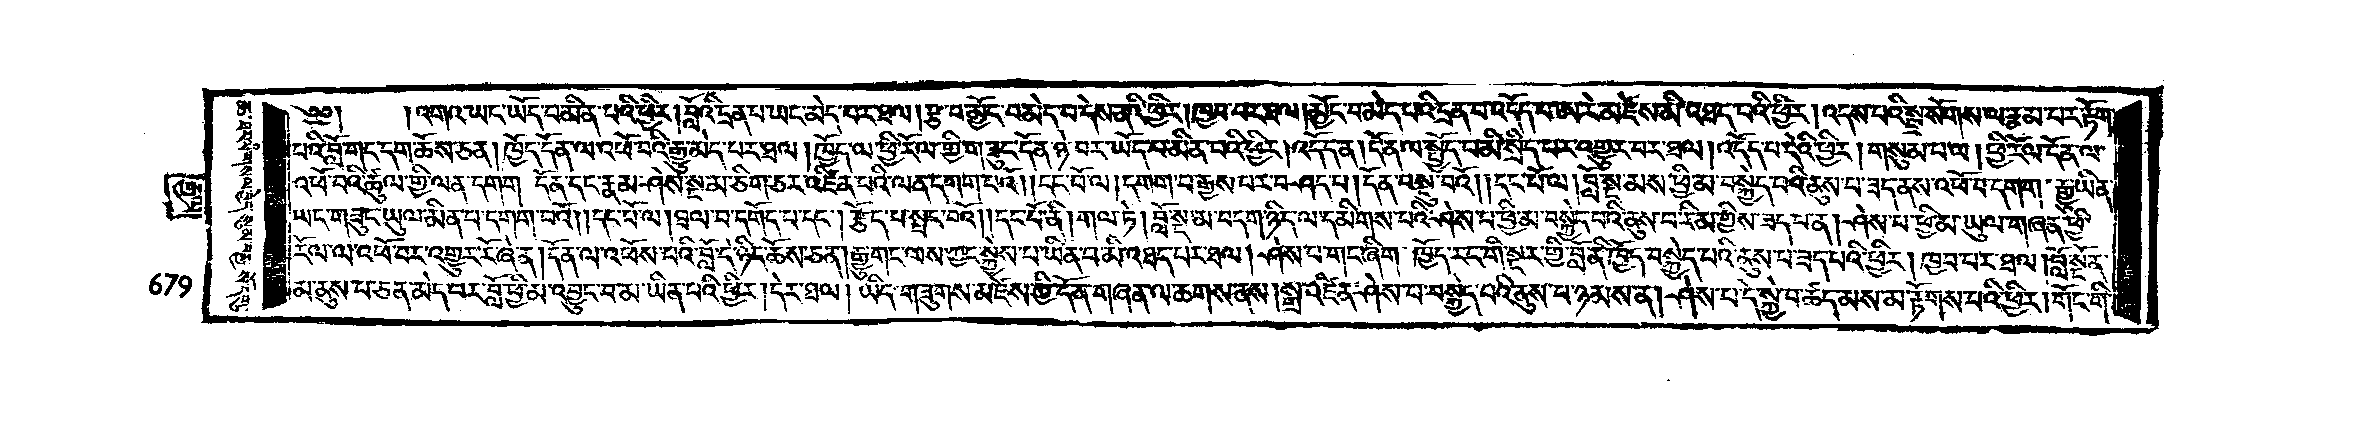༄༅། །འགའ་ཡང་ཡོད་པ་མིན་པའི་ཕྱིར། བློའི་དྲན་པ་ཡང་མེད་པར་ཐལ། རྩ་བ་མྱོང་བ་མེད་པ་དེས་ནའི་ཕྱིར། ཁྱབ་པར་ཐལ། མྱོང་བ་མེད་པའི་དྲན་པ་འདོད་པ་ཨ་རེ་མཛེས་མི་འཐད་པའི་ཕྱིར། འདས་པའི་སྒྲ་སོགས་ལ་རྣམ་པར་རྟོག་
པའི་བློ་གང་དག་ཆོས་ཅན། ཁྱོད་དོན་ལ་འཕོ་བའི་རྒྱུ་མེད་པར་ཐལ། ཁྱོད་ལ་ཕྱི་རོལ་གྱི་གཟུང་དོན་ཉེ་བར་ཡོད་པ་མིན་པའི་ཕྱིར། འདོད་ན། དོན་ལ་སྤྱོད་པ་མི་སྲིད་པར་འགྱུར་བར་ཐལ། འདོད་པ་དེའི་ཕྱིར། གསུམ་པ་ལ། ཕྱི་རོལ་དོན་ལ་
འཕོ་བའི་ཚུལ་གྱི་ལན་དགག་དོན་དང་རྣམ་ཤེས་སྔ་མ་ཅིག་ཅར་འཛིན་པའི་ལན་དགག་པའོ། །དང་པོ་ལ། དགག་པ་རྒྱས་པར་བཤད་པ། དོན་བསྡུ་བའོ། །དང་པོ་ལ། བློ་སྔ་མས་ཕྱི་མ་བསྐྱེད་པའི་ནུས་པ་ཟད་ནས་འཕོ་བ་དགག་རྒྱུ་ཡིན་
ཡང་གཟུང་ཡུལ་མིན་པ་དགག་པའོ། །དང་པོ་ལ། ཐལ་བ་དགོད་པ་དང་། རྩོད་པ་སྤང་བའོ། །དང་པོ་ནི། གལ་ཏེ། བློ་སྔ་མ་བདག་ཉིད་ལ་དམིགས་པའི་ཤེས་པ་ཕྱི་མ་བསྐྱེད་པའི་ནུས་པ་རིམ་གྱིས་ཟད་པ་ན། ཤེས་པ་ཕྱི་མ་ཡུལ་གཞན་ཕྱི་
རོལ་ལ་འཕོ་བར་འགྱུར་རོ་ཞེ་ན། དོན་ལ་འཕོས་པའི་བློ་དེ་ཉིད་ཆོས་ཅན། རྒྱུ་གང་ལས་ཀྱང་སྐྱེས་པ་ཡིན་པ་མི་འཐད་པར་ཐལ། ཤེས་པ་གང་ཞིག་ཁྱོད་རང་གི་སྔར་གྱི་བློ་ནི་ཁྱོད་བསྐྱེད་པའི་ནུས་པ་ཟད་པའི་ཕྱིར། ཁྱབ་པར་ཐལ། བློ་སྔོན་
མ་ནུས་པ་ཅན་མེད་པར་བློ་ཕྱི་མ་འབྱུང་བ་མ་ཡིན་པའི་ཕྱིར། དེར་ཐལ། ཡིད་གཟུགས་མཛེས་ཀྱི་དོན་གཞན་ལ་ཆགས་ནས། སྒྲ་འཛིན་ཤེས་པ་བསྐྱེད་པའི་ནུས་པ་ཉམས་ན། ཤེས་པ་དེ་སྐྱེ་བ་ཚད་མས་མ་རྟོགས་པའི་ཕྱིར། གོང་གི་